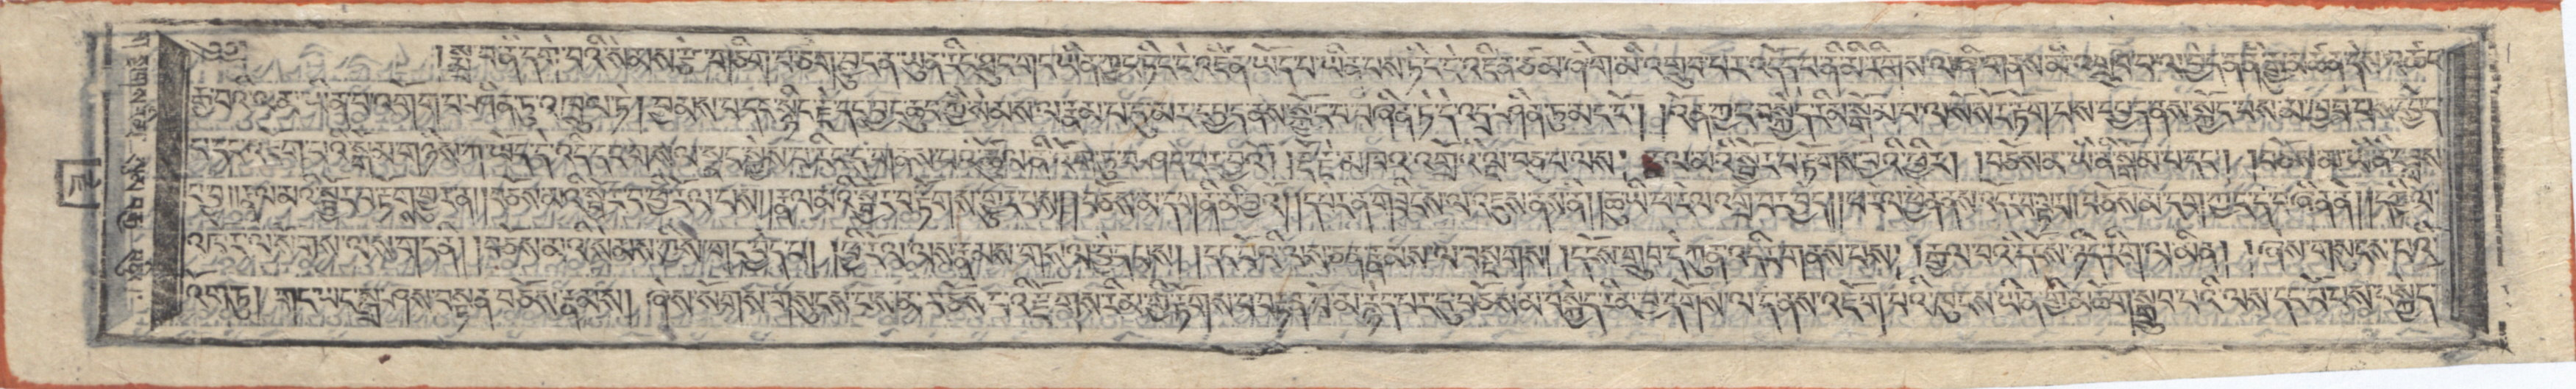༄༅། །སྨྲ་བ་ནི་དགེ་བའི་སེམས་རྩེ་གཅིག་པ་ཅག་བྱུང་ན་ཡུན་རིང་ཐུང་གང་ཡིན་ཀྱང་ཏིང་ངེ་འཛིན་ཡོད་པ་ཡིན་པས་ཏིང་ངེ་འཛིན་ཙམ་ཞིག་མི་འགྲུབ་པར་འདོད་པ་ནི་མི་རིགས་ལ་ཞི་གནས་མི་འགྲུབ་པ་ལ་བྱེད་ན་ནི་རྒྱུ་མཚན་དེས་འཚང་
རྒྱ་བའི་ལམ་ཡིན་པ་འགོག་པ་ཤིན་ཏུ་འཁྲུལ་ཏེ། བྱམས་པ་དང་སྙིང་རྗེ་དང་བྱང་ཆུབ་ཀྱི་སེམས་ལ་རྣམ་པ་དུ་མར་དཔྱད་ནས་སྐྱོང་པ་བཞིན་ཏེ་དེ་འདྲ་ཤིན་ཏུ་མང་ངོ། །འོན་ཀྱང་བསྐྱེད་རིམ་སྒོམ་པ་ལ་སོ་སོར་རྟོག་པས་དཔྱད་ནས་སྐྱོང་པས་མ་ཁྱབ་པས་དཔྱོད་
པ་དང་འཇོག་པའི་སྒོམ་གཉིས་ཀ་ཡོད་དེ་འདི་དང་གསལ་སྣང་སྐྱེས་པ་རིང་དུ་གནས་པའི་ཚུལ་ནི་འོག་ཏུ་བཤད་པར་བྱའོ། །རྡོ་རྗེ་མཁའ་འགྲོའི་ལྔ་བཅུ་པ་ལས། རྣལ་མའི་སྦྱོར་པ་རྟོགས་བྱའི་ཕྱིར། །བཅོས་མ་ཡི་ནི་སྒོམ་པ་དང་། །བཅོས་མ་ཡི་ནི་བཟླས་
པ་བྱ། །རྣལ་མའི་སྦྱོར་བ་རྟོགས་གྱུར་ན། །བཅོས་མའི་སྦྱོར་བ་ཕྱིར་རོལ་པས། །རྣལ་མའི་སྦྱོར་བ་རྟོགས་གྱུར་པས། །བཅོས་མ་དག་ནི་མི་བྱའོ། །དཔེར་ན་གཟིངས་ལ་འཇུས་ནས་ནི། །ཆུ་ཡི་ཕ་རོལ་འགྲོ་བར་བྱེད། །ཕ་རོལ་ཕྱིན་ནས་འདོར་བ་ལྟར། །བཅོས་མ་དག་ཀྱང་དེ་བཞིན་ནོ། །དཀྱིལ་
འཁོར་ལ་སོགས་ལས་གང་ནི། །བཅོས་མའི་སེམས་ཀྱིས་གང་བྱེད་པ། །ཕྱི་རོལ་ལས་རྣམས་གསལ་བྱེད་པས། །དང་པོའི་ལས་ཅན་རྣམས་ལ་བསྔགས། །དངོས་གྲུབ་དེ་ཀུན་འདིར་གནས་པས། །རྒྱལ་བའི་དངོས་ཉིད་རིག་ལ་མིན། །ཞེས་གསུངས་པའི་
འོག་ཏུ། གང་ཡང་སྒྲ་ཤས་བསྟན་བཅོས་རྣམས། ཞེས་སོགས་གསུངས་པས་མ་བཅོས་པའི་རྫོགས་རིམ་གྱི་རྟོགས་པ་བརྟན་པོ་མ་རྙེད་པར་དུ་བཅོས་མ་བསྐྱེད་རིམ་བྱ་དགོས་ལ་དེ་ནས་འཇོག་པའི་ཁུངས་ཡིན་གྱི་མཆོག་སྒྲུབ་པའི་ལས་དང་པོ་པས་བསྐྱེད་